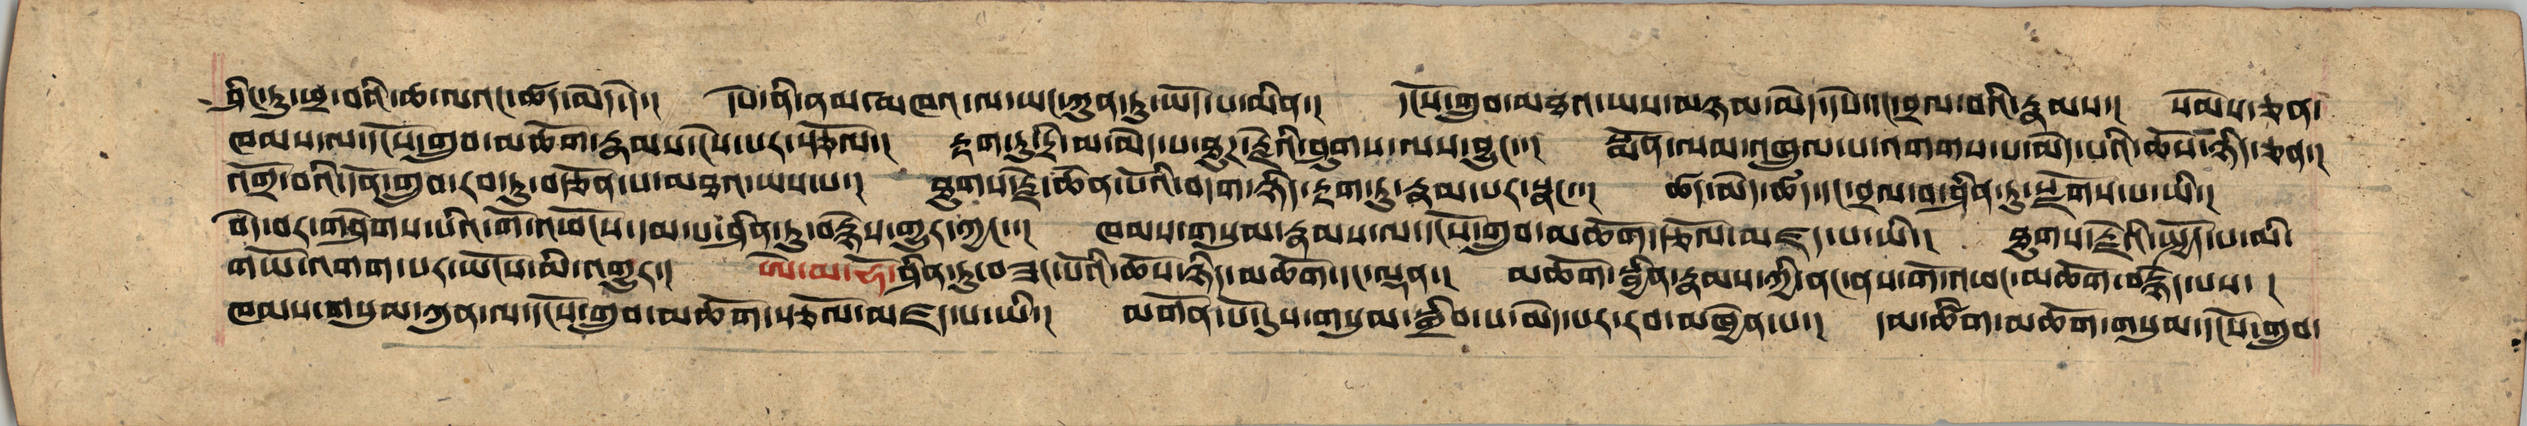ཤིང་ཏུ་ཕྲ་བའི་ཆ་ལའང་ཚད་མེད་དེ་། དེས་ནི་ནམ་མཁའ་ལ་ཡང་ཀུན་ཏུ་ཡོད་པ་མིན་། དངོས་གྲུབ་མཐའ་ཡས་མཉམ་མེད་དཔེ་དང་བྲལ་བའི་རྣམས་། སེམས་ཅན་།
ཁམས་ལ་དངོས་གྲུབ་མཆོག་རྣམས་ངེས་པར་སྩོལ་། རྟག་ཏུ་དྲི་མ་མེད་པ་ཐུཌ་རྗེའི་ཤུགས་ལས་བྱུང་་། སྨོན་ལམ་འཁྲུལ་པ་འགག་པ་མེད་པའི་ཆོས་ཉིད་ཅན་།
འགྲོ་བའི་དོན་གྲུབ་རབ་ཏུ་བརྩོན་པ་མཐའ་ཡས་པ་། ཐུགས་རྗེ་ཆེན་པོའི་བདག་ཉིད་རྟག་ཏུ་རྣམ་པར་སྣང་་། ཚད་མེད་ཚད་དང་བྲལ་བ་ཤིན་ཏུ་སྫོགས་པ་ཡི་།
བདེ་བར་གཤེགས་པའི་གོ་འཕོངས་དམ་པ་ཤིན་ཏུ་བརྙེས་གྱུར་ཀྱང་་། ཁམས་གསུམ་རྣམས་ལ་དངོས་གྲུབ་མཆོག་རྩོལ་མཛད་པ་ཡི་། ཐུགས་རྗེའི་སྤྱོད་པ་མི་
གཡོ་འགག་པར་ཡོངས་མི་འགྱུར་། ཨེ་མ་ཧོ་ཤིན་ཏུ་བཟང་པོའི་ཆོས་ཉིད་མཆོག་དང་ལྡན་། མཆོག་སྦྱིན་རྣམས་ཀྱི་ནང་ནས་གོ་འཕང་མཆོག་བརྙེད་པས་
ཁམས་གསུམ་ཀུན་ལ་དངོས་གྲུབ་མཆོག་སྩོལ་མཛད་པ་ཡི་། མགོན་པོ་དུས་གསུམ་སྒྲིབ་པ་མེད་པར་རབ་མཁྱེན་པ་། དམ་ཚིག་མཆོག་གསུམ་དངོས་གྲུབ་